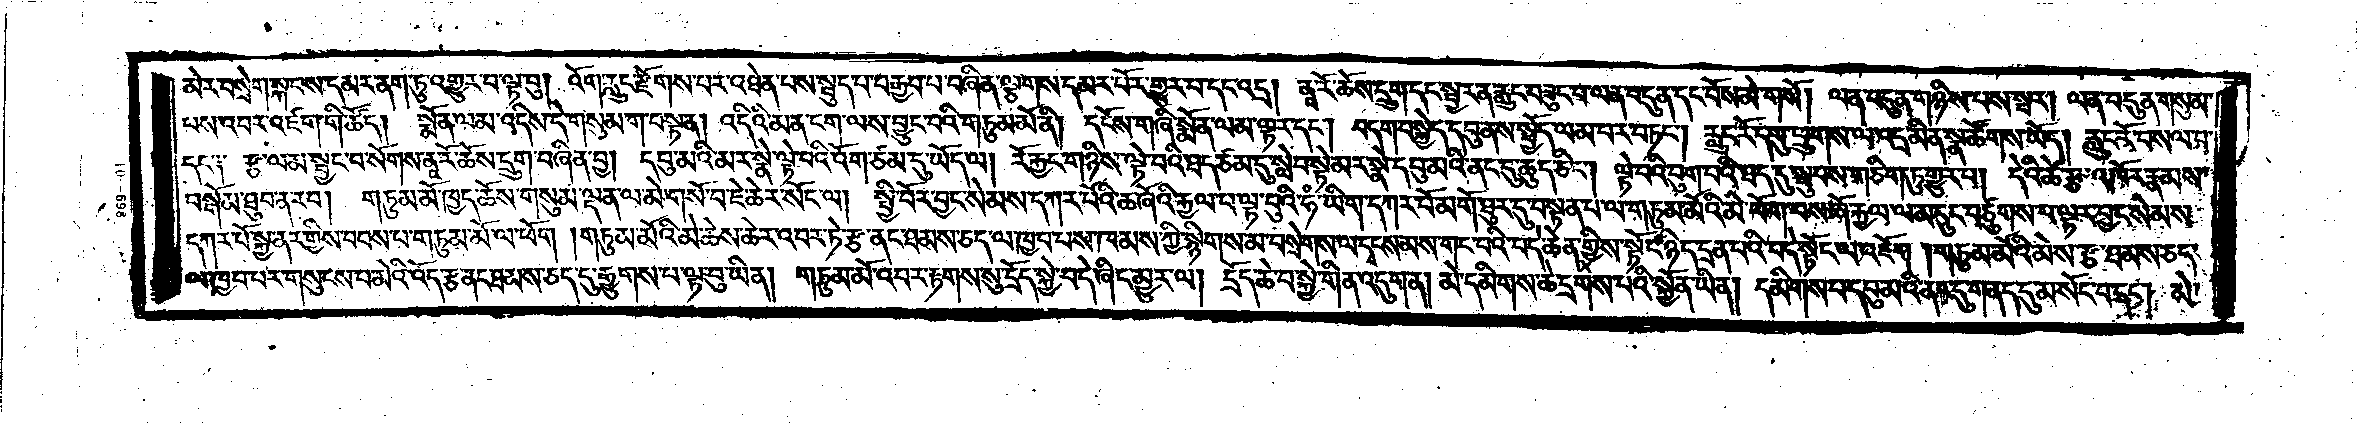མེར་བསྲེག་སྐབས་དམར་ནག་ཏུ་འགྱུར་བ་ལྟ་བུ། འོག་རླུང་རྫོགས་པར་འཐེན་པས་སྦུད་པ་བརྒྱབ་པ་བཞིན་ལྕགས་དམར་པོར་གྱུར་བ་དང་འདྲ། ནཱ་རོ་ཆོས་དྲུག་དང་སྦྱར་ན་རླུང་བཟུང་བ་ལན་བདུན་དང་པོས་མེ་གསོ། ལན་བདུན་གཉིས་པས་སྦར། ལན་བདུན་གསུམ་
པས་འབར་འཛག་གི་ཚོད། སྨོན་ལམ་འདིས་དེ་གསུམ་ག་བསྟན། འདིའི་མན་ངག་ལས་བྱུང་བའི་གཏུམ་མོ་ནི། དངོས་གཞི་སྨོན་ལམ་ལྟར་དང་། བདག་བསྐྱེད་དབུ་ནས་སྤྱོད་ལམ་བར་བཏང་། རླུང་རོ་དགུ་ཕྲུགས་ལ་འདྲ་མིན་སྣ་ཚོགས་ཡོད། རླུང་རོ་བསལ་བ་
དང༑ རྩ་ལམ་སྦྱང་བ་སོགས་ནཱ་རོ་ཆོས་དྲུག་བཞིན་བྱ། དབུ་མའི་མར་སྣེ་ལྟེ་བའི་འོག་ཙམ་དུ་ཡོད་ལ། རོ་རྐྱང་གཉིས་ལྟེ་བའི་ཐད་ཙམ་དུ་སླེབ་སྟེ་མར་སྣེ་དབུ་མའི་ནང་དུ་ཆུད་ཅིང་། ལྟེ་བའི་བུག་པའི་ཐད་དུ་སྦུབས་གཅིག་ཏུ་གྱུར་པ། དེའི་ཚེ་རྩ་འཁོར་རྣམས་
བསྒོམ་ཐུབ་ན་རབ། གཏུམ་མོ་ཁྱད་ཆོས་གསུམ་ལྡན་ལ་མེ་གསོ་བ་ཇེ་ཆེར་སོང་ལ། སྤྱི་བོར་བྱང་སེམས་དཀར་པོའི་ཆ་ཞོའི་རྐྱལ་པ་ལྟ་བུའི་ཧཾ་ཡིག་དཀར་པོ་མགོ་ཐུར་དུ་བསྟན་པ་ལ་གཏུམ་མོའི་མེ་ཕོག་པས་ཞོ་རྐྱལ་ལ་མདུང་བཙུགས་པ་ལྟར་བྱང་སེམས་
དཀར་པོ་སྐྱ་ནར་གྱིས་བབས་པ་གཏུམ་མོ་ལ་ཕོག །གཏུམ་མོའི་མེ་ཆེས་ཆེར་འབར་ཏེ་རྩ་ནང་ཐམས་ཅད་ལ་ཁྱབ་བས་ཁམས་ཀྱི་སྙིགས་མ་བསྲེགས་ལ་དྭངས་མས་གང་བའི་བདེ་ཆེན་གྱིས་སྟོང་ཉིད་དྲན་བའི་བདེ་སྟོང་ལ་འཇོག །གཏུམ་མོའི་མེས་རྩ་ཐམས་ཅད་
ལ་ཁྱབ་པར་གསུངས་བ་མེའི་འོད་རྩ་ནང་ཐམས་ཅད་དུ་རྒྱུགས་པ་ལྟ་བུ་ཡིན། གཏུམ་མོ་འབར་རྟགས་སུ་དྲོད་སྐྱེ་བདེ་ཞིང་མྱུར་ལ། དྲོད་ཆེ་བ་སྐྱེ་གིན་འདུག་ན། མེ་དམིགས་ཆེ་དྲགས་པའི་སྐྱོན་ཡིན། དམིགས་པ་དབུ་མའི་ནང་དུ་གནད་དུ་མ་སོང་བ་དང་། མེ་